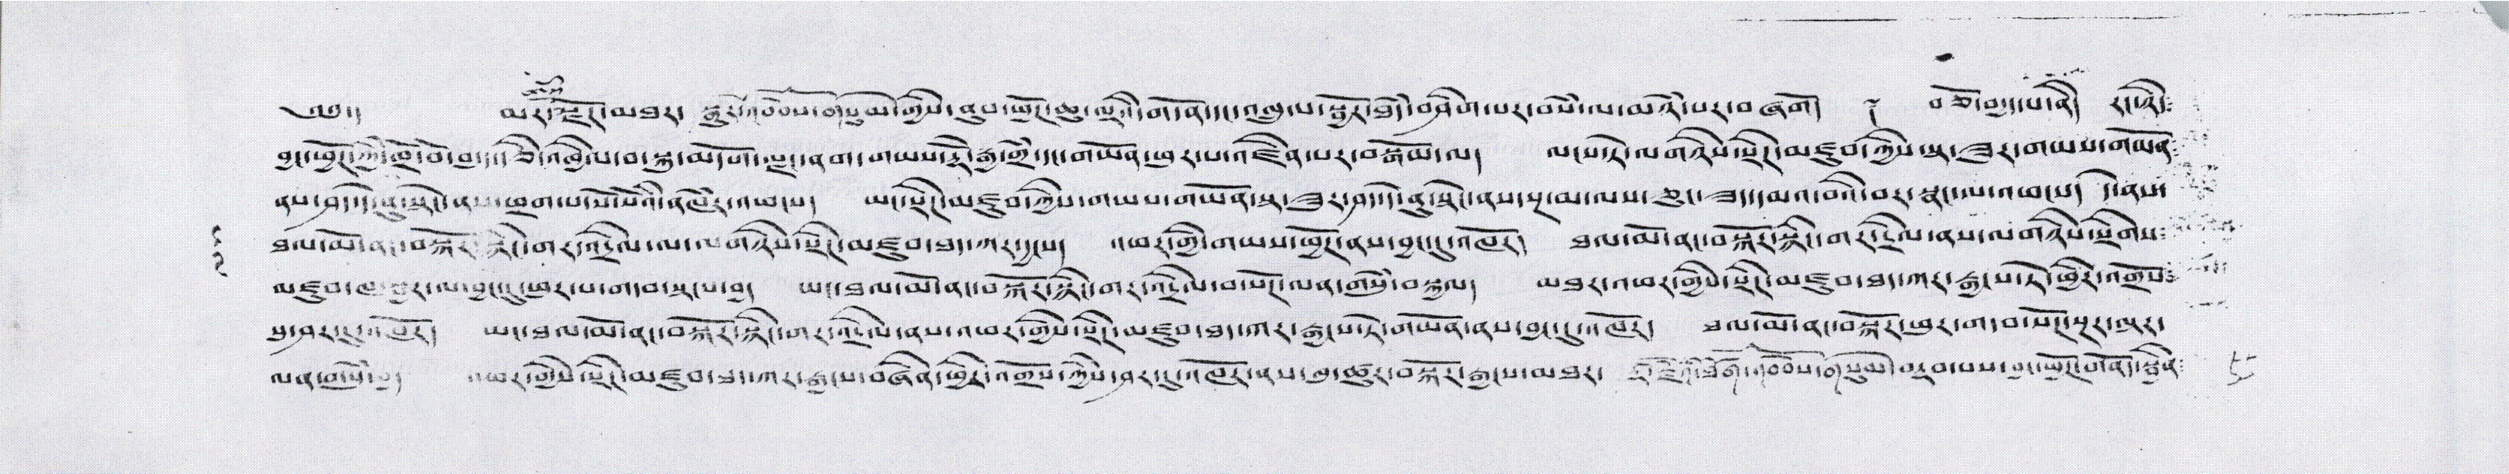མར་གསུམ་རྫོགས་མཐར། ༼སྒུར་འབེབས་གསུམ་༽གྱིས་ནུབ་ཕྱོགས་ཆུ་ལྷའི་གདོན་འཁྲུལ་སྦྱོར་ཐམས་ཅད་བཤིག་པར་བསམ་ལ་མཉམ་པར་བཞག་གོ། ༧ བཅོ་བརྒྱད་པ་ནི། རང་ཉིད་
བྱང་ཕྱོགས་ཀྱི་ཁྲོ་བོ་བདུད་རྩི་འཁྱིལ་བ་སྐུ་མདོག་ལྗང་ནག་གཡས་རྡོ་རྗེ་རྒྱ་གྲམ་དང་གཡོན་ཕུར་པ་འཛིན་པར་བསྒོམ་ལ། ལངས་ཏེ་ལག་གཉིས་སྡིག་མཛུབ་ཀྱིས་སྟ་ཟུར་གཡས་གཡོན་
ནས་ཤད་དེ་ནུ་སྟེང་ནས་ཕྲག་པ་སོ་སོའི་ནམ་མཁར་འཕངས། ཡང་སྡིགས་མཛུབ་ཀྱིས་སྟ་ཟུར་ཤད་དེ་ནུ་སྟེང་ནས་སྔ་མ་ལས་ཅུང་ཟད་དམའ་བའི་བར་སྣང་ལ་འཕངས། དེ་ནས་
ཐལ་མོ་ནང་བསྐོར་སྙིང་ཁར་འདྲིལ་ལ་ལག་གཉིས་སྡིག་འཛུབ་ཐད་ཀར་རྒྱངས། འཕར་གྱིས་གཡས་ཕྱོགས་ནས་བྱང་དུ་འཁོར། ཐལ་མོ་ནང་བསྐོར་སྙིང་གར་དྲིལ་ནས་ལག་གཉིས་སྡིགས་
མཛུབ་ཁ་སྦྱར་ལ་བྱང་དུ་ཕུར་པ་གདབ་སྟངས་བྱ། ཡང་ཐལ་མོ་ནང་སྐོར་སྙིང་ཁར་འདྲིལ་བ་སོགས་ལན་གསུམ་བསྐྱལ། མཐར་འཕར་གྱིས་སྡིགས་འཛུབ་ཐད་ཀར་རྒྱངས་ཏེ་ཕྱིར་འགྲོས་
སུ་ཤར་དུ་འཁོར། ཡང་ཐལ་མོ་ནང་བསྐོར་སྙིང་གར་འདྲིལ་ནས་འཕར་གྱིས་སྡིགས་འཛུབ་ཐད་ཀར་རྒྱངས་ཏེ་གཡོན་ནས་བྱང་དུ་འཁོར། ཐལ་མོ་ནང་བསྐོར་ཕུར་གདབ་སོགས་སྔར་ལྟར་
ལན་གསུམ་བྱ། འཕར་གྱིས་སྡིགས་མཛུབ་ཐད་ཀར་རྒྱངས་བཞིན་ཕྱིར་འགྲོས་ཀྱིས་ཤར་དུ་བསྐོར་ནས་ཁུ་ཚུར་བསྐོར་རྒྱངས་མཐར་༼རྡོ་རྗེ་ཐོག་འབེབས་གསུམ༽བརྡབ་པས་བྱང་ཕྱོགས་གནོད་སྦྱིན་